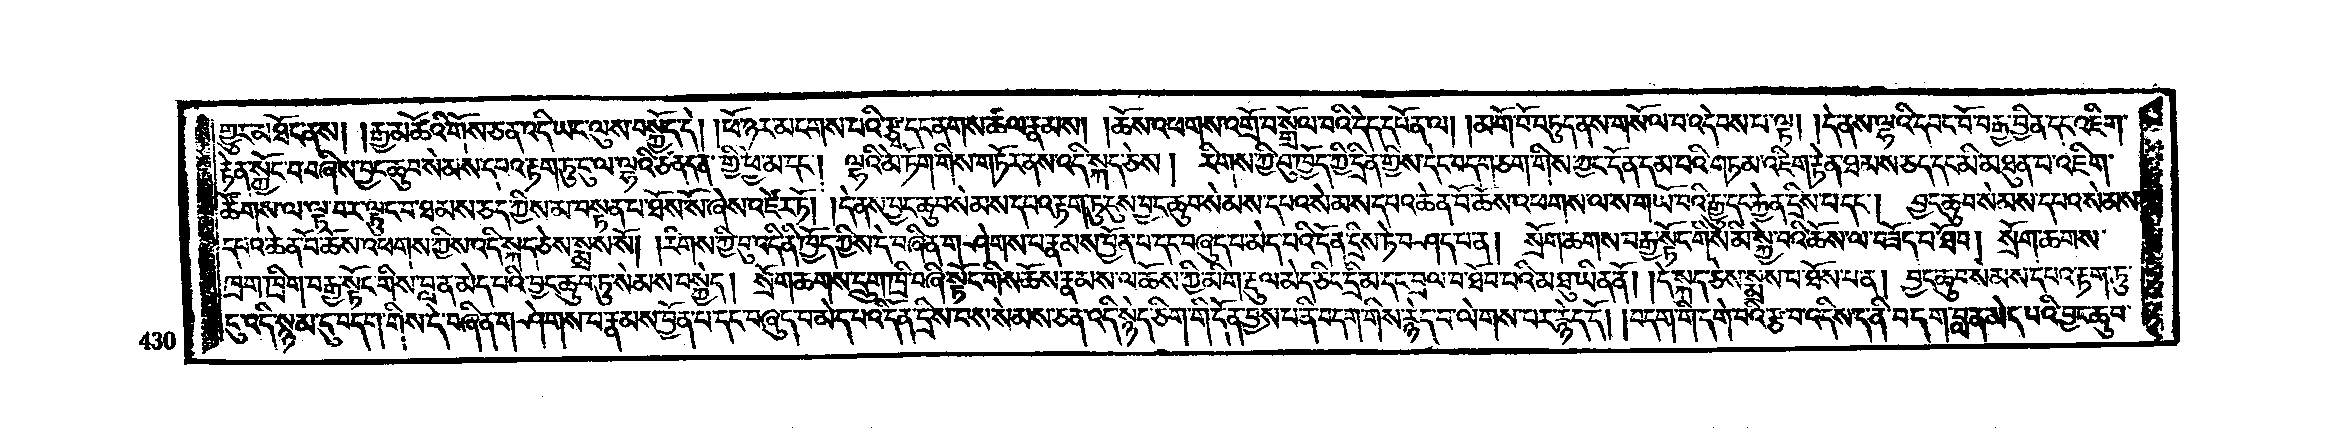གྱུར་མཐོང་ནས། །རྒྱ་མཚོའི་གོས་ཅན་འདི་ཡང་ལུས་བསྐྱོད་དེ། །ཕོ་ཉར་མངགས་པའི་རྩྭ་དང་ནགས་ཚལ་རྣམས། །ཆོས་འཕགས་འགྲོ་བ་སྒྲོལ་བའི་དེད་དཔོན་ལ། །མགོ་བོ་བཏུད་ནས་གསོལ་བ་འདེབས་པ་ལྟ། །དེ་ནས་ལྷའི་དབང་པོ་བརྒྱ་བྱིན་དང་འཇིག་
རྟེན་སྐྱོང་བ་བཞིས་བྱང་ཆུབ་སེམས་དཔའ་རྟག་ཏུ་ངུ་ལ་ལྷའི་ཙན་དན་གྱི་ཕྱེ་མ་དང་། ལྷའི་མེ་ཏོག་གིས་གཏོར་ནས་འདི་སྐད་ཅེས། རིགས་ཀྱི་བུ་ཁྱོད་ཀྱི་དྲིན་གྱིས་དེང་བདག་ཅག་གིས་ཀྱང་དོན་དམ་པའི་གཏམ་འཇིག་རྟེན་ཐམས་ཅད་དང་མི་མཐུན་པ་འཇིག་
ཚོགས་ལ་ལྟ་བར་ལྟུང་བ་ཐམས་ཅད་ཀྱིས་མ་བསྟན་པ་ཐོས་སོ་ཞེས་འཛེར་ཏོ། །དེ་ནས་བྱང་ཆུབ་སེམས་དཔའ་རྟག་ཏུ་ངུས་བྱང་ཆུབ་སེམས་དཔའ་སེམས་དཔའ་ཆེན་པོ་ཆོས་འཕགས་ལ་ས་གཡོ་བའི་རྒྱུ་དང་རྐྱེན་དྲིས་པ་དང་། བྱང་ཆུབ་སེམས་དཔའ་སེམས་
དཔའ་ཆེན་པོ་ཆོས་འཕགས་ཀྱིས་འདི་སྐད་ཅེས་སྨྲས་སོ། །རིགས་ཀྱི་བུ་འདི་ནི་ཁྱོད་ཀྱིས་དེ་བཞིན་གཤེགས་པ་རྣམས་བྱོན་པ་དང་བཞུད་པ་མེད་པའི་དོན་དྲིས་ཏེ་བཤད་པ་ན། སྲོག་ཆགས་བརྒྱ་སྟོང་གིས་མི་སྐྱེ་བའི་ཆོས་ལ་བཟོད་པ་ཐོབ། སྲོག་ཆགས་
ཁྲག་ཁྲིག་བརྒྱ་སྟོང་གིས་བླ་ན་མེད་པའི་བྱང་ཆུབ་ཏུ་སེམས་བསྐྱེད། སྲོག་ཆགས་དྲུག་ཁྲི་བཞི་སྟོང་གིས་ཆོས་རྣམས་ལ་ཆོས་ཀྱི་མིག་རྡུལ་མེད་ཅིང་དྲི་མ་དང་བྲལ་བ་ཐོབ་པའི་མཐུ་ཡིན་ནོ། །དེ་སྐད་ཅེས་སྨྲས་པ་ཐོས་པ་ན། བྱང་ཆུབ་སེམས་དཔའ་རྟག་ཏུ་
དུ་འདི་སྙམ་དུ་བདག་གིས་དེ་བཞིན་གཤེགས་པ་རྣམས་བྱོན་པ་དང་བཞུད་པ་མེད་པའི་དོན་དྲིས་པས་སེམས་ཅན་འདི་སྙེད་ཅིག་གི་དོན་བྱས་པ་ནི་བདག་གིས་རྙེད་པ་ལེགས་པར་རྙེད་དོ། །བདག་གི་དགེ་བའི་རྩ་བ་འདིས་ད་ནི་བདག་བླ་ན་མེད་པའི་བྱང་ཆུབ་